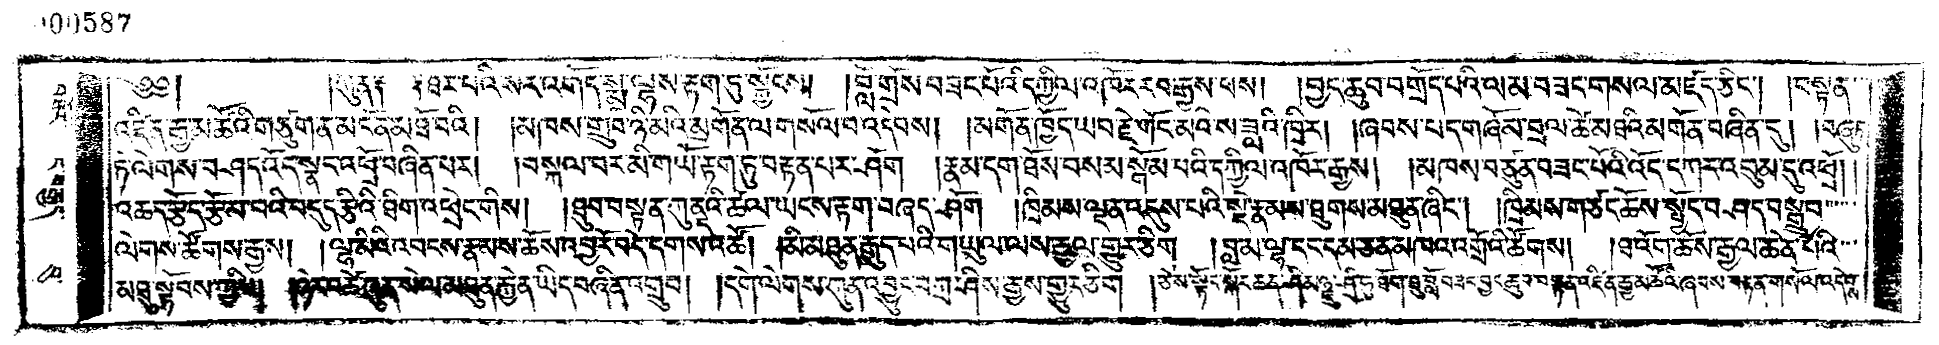༄༅། །ཀུན༑ ༑ཐར་པའི་སར་འགོད་སྨྲ་ལྷས་རྟག་ཏུ་སྐྱོངས། །བློ་གྲོས་བཟང་པོའི་དཀྱིལ་འཁོར་རབ་རྒྱས་པས། །བྱང་ཆུབ་བགྲོད་པའི་ལམ་བཟང་གསལ་མཛད་ཅིང་། །བསྟན་
འཛིན་རྒྱ་མཚོའི་གཙུག་ན་མངོན་མཐོ་བའི། །མཁས་གྲུབ་ཉི་མའི་མགོན་ལ་གསོལ་བ་འདེབས། །མགོན་ཁྱོད་ཡབ་རྗེ་གོང་མའི་ས་ཟླའི་ཁྲིར། །ཞབས་པད་གཞོམ་བྲལ་ཚེ་མཐའི་མགོན་བཞིན་དུ། །བཞུགས་
ཏེ་ལེགས་བཤད་འོད་སྣང་འཕྲོ་བཞིན་པར། །བསྐལ་བར་མི་གཡོ་རྟག་ཏུ་བརྟན་པར་ཤོག །རྣམ་དག་ཐོས་བསམ་སྒོམ་པའི་དཀྱིལ་འཁོར་རྒྱས། །མཁས་བཙུན་བཟང་པོའི་འོད་དཀར་འབུམ་དུ་འཕྲོ། །
འཆད་རྩོད་རྩོམ་པའི་བདུད་རྩིའི་ཐིག་འཕྲེང་གིས། །ཐུབ་བསྟན་ཀུནྡའི་ཚལ་ཡངས་རྟག་བཞད་ཤོག །ཁྲིམས་ལྡན་འདུས་པའི་སྡེ་རྣམས་ཐུགས་མཐུན་ཞིང་། །ཁྲིམས་གཙང་ཆོས་སྤྱོད་བཤད་བསྒྲུབ་
ལེགས་ཚོགས་རྒྱས། །ལྷ་མིའི་འབངས་རྣམས་ཆོས་འབྱོར་བདེ་དགས་འཚོ། །མི་མཐུན་རྒུད་པའི་གཡུལ་ལས་རྒྱལ་གྱུར་ཅིག །བླ་མ་ལྷ་དང་དམ་ཅན་མཁའ་འགྲོའི་ཚོགས། །ཐ་འོག་ཆོས་རྒྱལ་ཆེན་པོའི་
མཐུ་སྟོབས་ཀྱིས། །ཉེར་འཚེ་ཀུན་སེལ་མཐུན་རྐྱེན་ཡིད་བཞིན་འགྲུབ། །དགེ་ལེགས་ཀུན་འབྱུང་བཀྲ་ཤིས་རྒྱས་གྱུར་ཅིག །ཅེས་སྟོང་སྐོར་ཆན་ཤི་མཉྫུ་ཤྲི་ཧུ་ཐོག་ཐུ་བློ་བཟང་བྱང་ཆུབ་བསྟན་འཛིན་རྒྱ་མཚོའི་ཞབས་བརྟན་གསོལ་འདེབས་